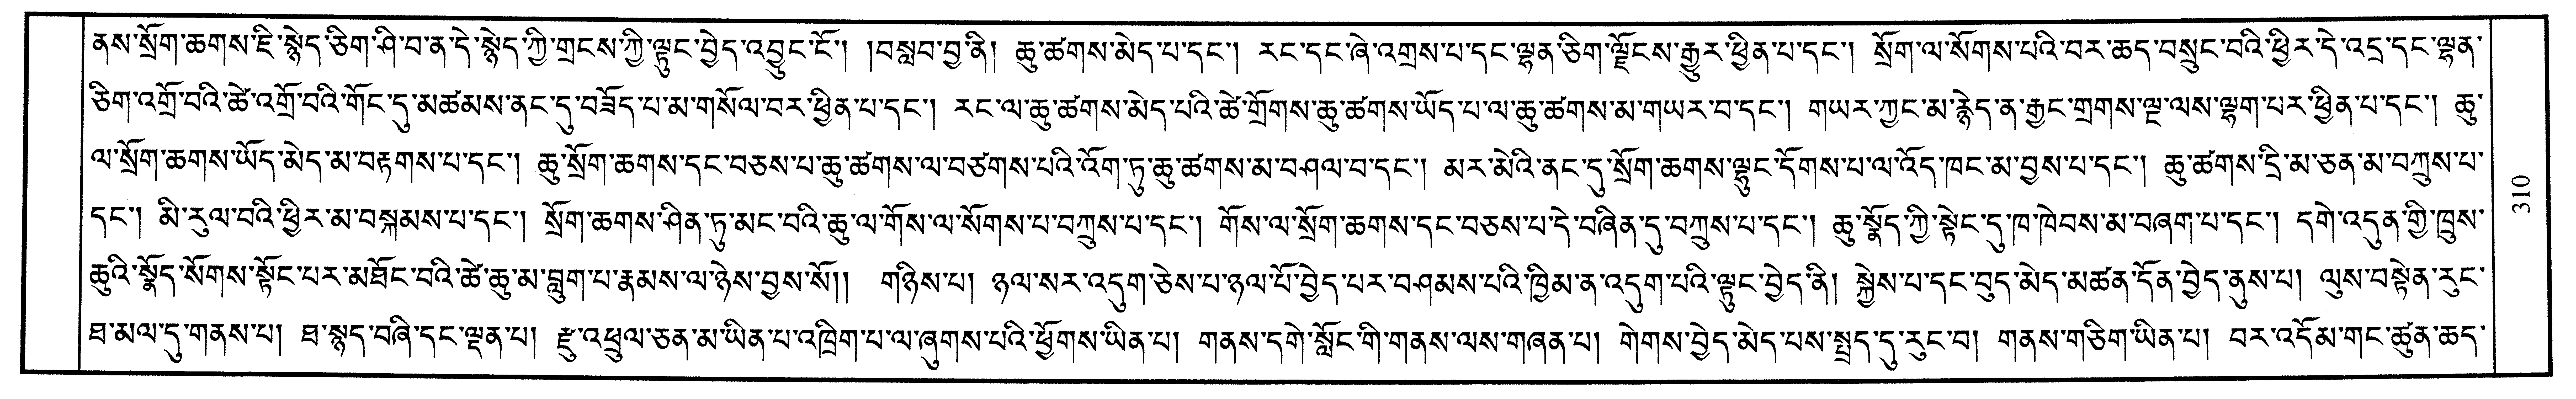ནས་སྲོག་ཆགས་ཇི་སྙེད་ཅིག་ཤི་བ་ན་དེ་སྙེད་ཀྱི་གྲངས་ཀྱི་ལྟུང་བྱེད་འབྱུང་ངོ། །བསླབ་བྱ་ནི། ཆུ་ཚགས་མེད་པ་དང་། རང་དང་ཞེ་འགྲས་པ་དང་ལྷན་ཅིག་ལྗོངས་རྒྱུར་ཕྱིན་པ་དང་། སྲོག་ལ་སོགས་པའི་བར་ཆད་བསྲུང་བའི་ཕྱིར་དེ་འདྲ་དང་ལྷན་
ཅིག་འགྲོ་བའི་ཚེ་འགྲོ་བའི་གོང་དུ་མཚམས་ནང་དུ་བཟོད་པ་མ་གསོལ་བར་ཕྱིན་པ་དང་། རང་ལ་ཆུ་ཚགས་མེད་པའི་ཚེ་གྲོགས་ཆུ་ཚགས་ཡོད་པ་ལ་ཆུ་ཚགས་མ་གཡར་བ་དང་། གཡར་ཀྱང་མ་རྙེད་ན་རྒྱང་གྲགས་ལྔ་ལས་ལྷག་པར་ཕྱིན་པ་དང་། ཆུ་
ལ་སྲོག་ཆགས་ཡོད་མེད་མ་བརྟགས་པ་དང་། ཆུ་སྲོག་ཆགས་དང་བཅས་པ་ཆུ་ཚགས་ལ་བཙགས་པའི་འོག་ཏུ་ཆུ་ཚགས་མ་བཤལ་བ་དང་། མར་མེའི་ནང་དུ་སྲོག་ཆགས་ལྷུང་དོགས་པ་ལ་འོད་ཁང་མ་བྱས་པ་དང་། ཆུ་ཚགས་དྲི་མ་ཅན་མ་བཀྲུས་པ་
དང་། མི་རུལ་བའི་ཕྱིར་མ་བསྐམས་པ་དང་། སྲོག་ཆགས་ཤིན་ཏུ་མང་བའི་ཆུ་ལ་གོས་ལ་སོགས་པ་བཀྲུས་པ་དང་། གོས་ལ་སྲོག་ཆགས་དང་བཅས་པ་དེ་བཞིན་དུ་བཀྲུས་པ་དང་། ཆུ་སྣོད་ཀྱི་སྟེང་དུ་ཁ་ཁེབས་མ་བཞག་པ་དང་། དགེ་འདུན་གྱི་ཁྲུས་
ཆུའི་སྣོད་སོགས་སྟོང་པར་མཐོང་བའི་ཚེ་ཆུ་མ་བླུག་པ་རྣམས་ལ་ཉེས་བྱས་སོ།། གཉིས་པ། ཉལ་སར་འདུག་ཅེས་པ་ཉལ་པོ་བྱེད་པར་བཤམས་པའི་ཁྱིམ་ན་འདུག་པའི་ལྟུང་བྱེད་ནི། སྐྱེས་པ་དང་བུད་མེད་མཚན་དོན་བྱེད་ནུས་པ། ལུས་བསྟེན་རུང་
ཐ་མལ་དུ་གནས་པ། ཐ་སྙད་བཞི་དང་ལྡན་པ། རྫུ་འཕྲུལ་ཅན་མ་ཡིན་པ་འཁྲིག་པ་ལ་ཞུགས་པའི་ཕྱོགས་ཡིན་པ། གནས་དགེ་སློང་གི་གནས་ལས་གཞན་པ། གེགས་བྱེད་མེད་པས་སྤྲད་དུ་རུང་བ། གནས་གཅིག་ཡིན་པ། བར་འདོམ་གང་ཚུན་ཆད་